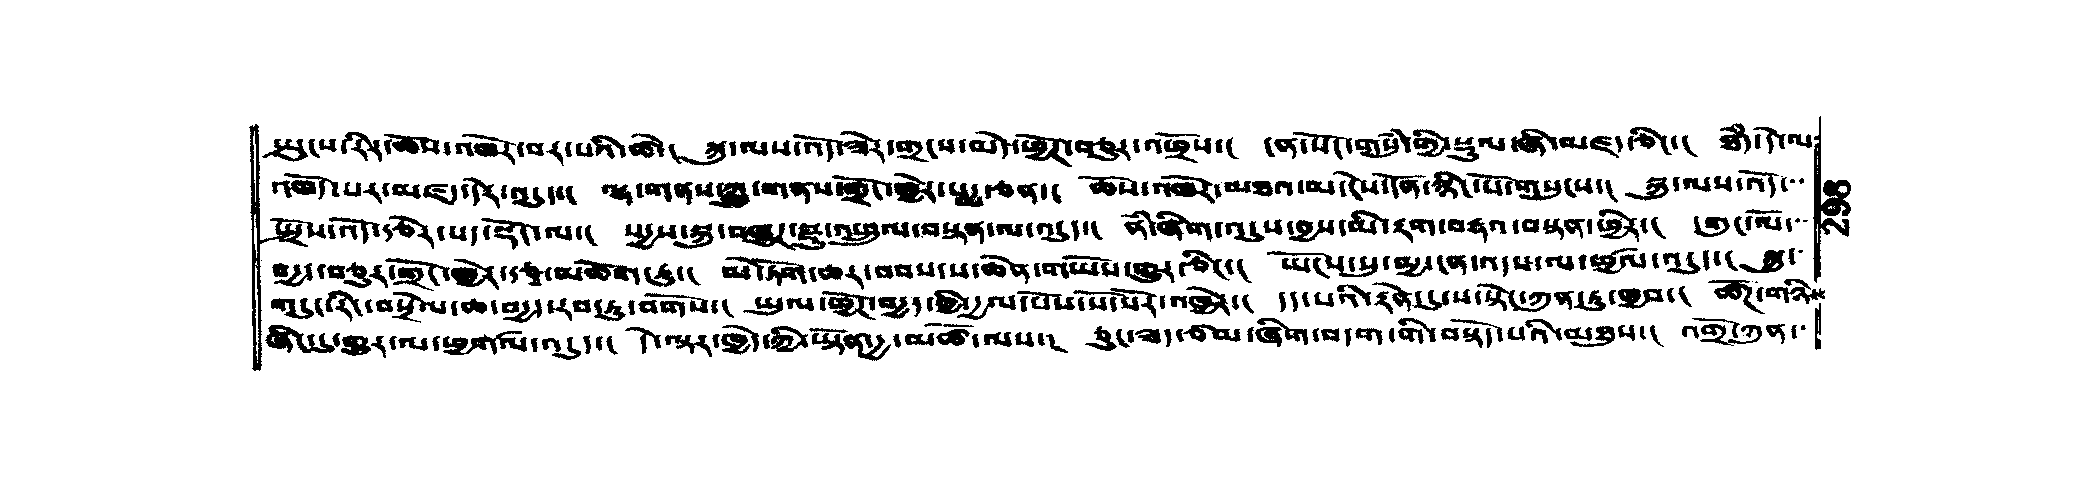སྤུངས་རིར་ཆོས་འཁོར་བར་བའི་ཚེ། །སྐུ་ལས་འོད་ཟེར་གྲངས་མེད་ཕྱོགས་བཅུར་འཕྲོས། །ངན་སོང་གསུམ་གྱི་སྡུག་བསྔལ་ཞི་མཛད་ཅིང་། །ཐམས་ཅད་བདེ་ལ་
འཁོད་པར་མཛད་དེར་འདུད། །ལྷ་གནས་ཀླུ་གནས་གྲོང་ཁྱེར་པདྨ་ཅན། །ཆོས་འཁོར་མཐའ་མ་ངེས་དོན་སྙིང་པོ་གསུངས། །སྐུ་ལས་འོད་
སྤྲོས་འོད་རྩེར་པད་སྡོང་ལ། །སངས་རྒྱས་སྐུ་བཞུགས་རྫུ་འཕྲུལ་བསྟན་ལ་བདུད། །ནམ་ཞིག་འདུས་བྱས་མི་རྟག་བརྡས་བསྟན་ཕྱིར། །དགུང་ལོ་
བརྒྱད་བཅུར་གྲོང་ཁྱེར་རྩྭ་མཆོག་ཏུ། །མེ་ཏོག་ཆར་བབས་ས་ཆེན་གཡོས་གྱུར་ཅིང་། །ཡོངས་སུ་མྱ་ངན་འདས་ལ་ཕྱག་འཚལ་འདུད། །སྐུ་
གདུང་རིང་བསྲེལ་ཆ་བརྒྱད་རབ་ཏུ་བགོས། །ཡུལ་ཕྱོགས་བརྒྱད་ཀྱི་རྒྱལ་པོས་སོ་སོར་འཁྱེར། །དད་པའི་རྟེན་དུ་ས་སྟེང་ཀུན་ཏུ་ཁྱབ། །ཚོགས་གཉིས་
ཞིང་དུ་གྱུར་ལ་ཕྱག་འཚལ་འདུད། །དེ་ལྟར་ཁྱེད་ཀྱི་ཡོན་ཏན་རྒྱ་མཚོ་ལས། །ཅུང་ཟད་ཙམ་ཞིག་བདག་གི་བསྟོད་པའི་མཐུས། །འགྲོ་ཀུན་